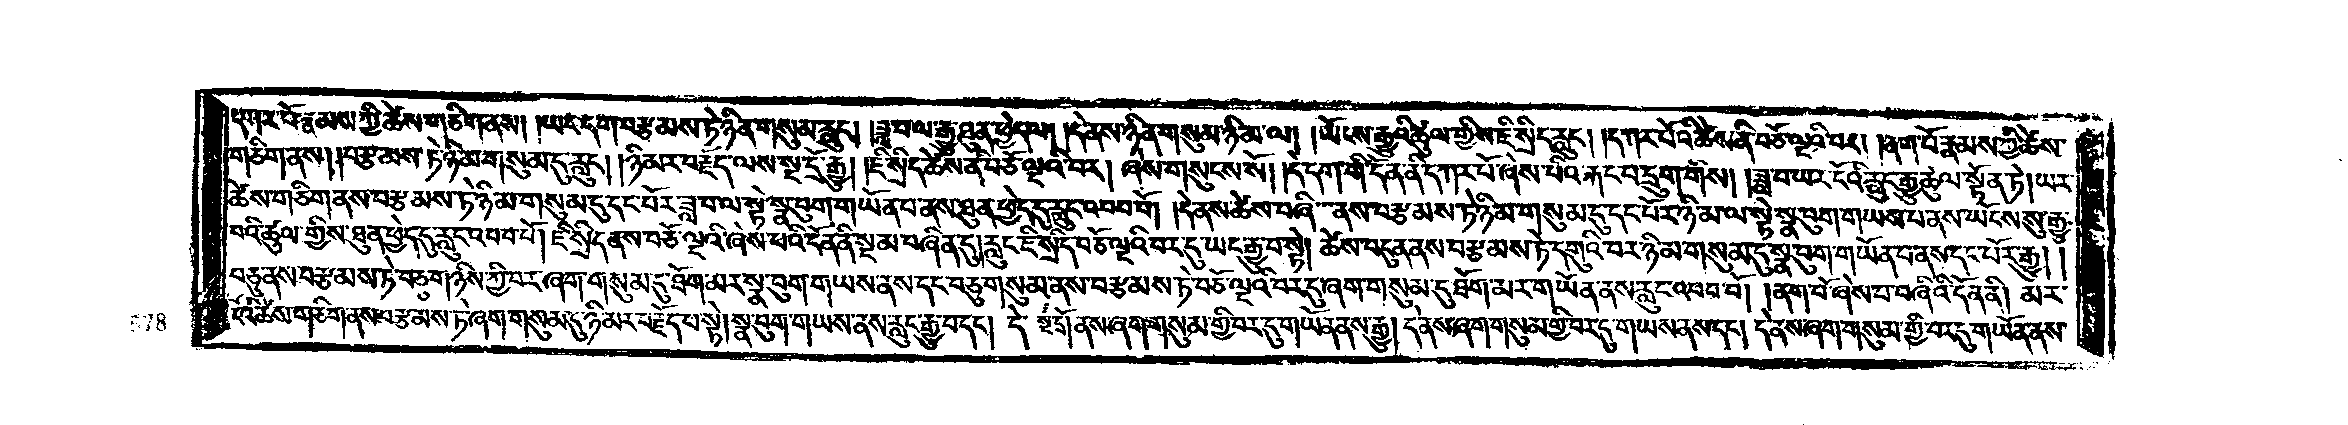དཀར་པོ་རྣམས་ཀྱི་ཚེས་གཅིག་ནས། །ཡང་དག་བརྩམས་ཏེ་ཉིན་གསུམ་རླུང་། །ཟླ་བ་ལ་རྒྱུ་ཐུན་ཕྱེད་ལ། །དེ་ནས་ཉིན་གསུམ་ཉི་མ་ལ། །ཡོངས་རྒྱུའི་ཚུལ་གྱིས་ཇི་སྲིད་རླུང་། །དཀར་པོའི་ཚེས་ནི་བཅོ་ལྔའི་བར། །ནག་པོ་རྣམས་ཀྱི་ཚེས་
གཅིག་ནས། །བརྩམས་ཏེ་ཉི་མ་གསུམ་དུ་རླུང་། །ཉི་མར་བརྗོད་ལས་སྔ་དྲོ་རྒྱུ། །ཇི་སྲིད་ཚེས་ནི་བཅོ་ལྔའི་བར། ཞེས་གསུངས་སོ། །དེ་དག་གི་དོན་ནི་དཀར་པོ་ཞེས་པའི་རྐང་བ་དྲུག་གིས། །ཟླ་བ་ཡར་ངོའི་རླུང་རྒྱུ་ཚུལ་སྟོན་ཏེ། ཡར་
ཚེས་གཅིག་ནས་བརྩམས་ཏེ་ཉི་མ་གསུམ་དུ་དང་པོར་ཟླ་བ་ལ་སྟེ་སྣ་བུག་གཡོན་པ་ནས་ཐུན་ཕྱེད་དུ་རླུང་འབབ་བོ། །དེ་ནས་ཚེས་བཞི་ནས་བརྩམས་ཏེ་ཉི་མ་གསུམ་དུ་དང་པོར་ཉི་མ་ལ་སྟེ་སྣ་བུག་གཡས་པ་ནས་ཡོངས་སུ་རྒྱུ་
བའི་ཚུལ་གྱིས་ཐུན་ཕྱེད་དུ་རླུང་འབབ་བོ། ཇི་སྲིད་ནས་བཅོ་ལྔའི་ཞེས་པའི་དོན་ནི་སྔ་མ་བཞིན་དུ། རླུང་ཇི་སྲིད་བཅོ་ལྔའི་བར་དུ་ཡང་རྒྱུ་བ་སྟེ། ཚེས་བདུན་ནས་བརྩམས་ཏེ་དགུའི་བར་ཉི་མ་གསུམ་དུ་སྣ་བུག་གཡོན་པ་ནས་དང་པོར་རྒྱུ། །
བཅུ་ནས་བརྩམས་ཏེ་བཅུ་གཉིས་ཀྱི་བར་ཞག་གསུམ་དུ་ཐོག་མར་སྣ་བུག་གཡས་ནས་དང་བཅུ་གསུམ་སྔ་དྲོ་ནས་བརྩམས་ཏེ་བཅོ་ལྔའི་བར་དུ་ཞག་གསུམ་དུ་ཐོག་མར་གཡོན་ནས་རླུང་འབབ་བོ། །ནག་པོ་ཞེས་པ་བཞིའི་དོན་ནི། མར་
པོའི་ཚེས་གཅིག་ནས་བརྩམས་ཏེ་ཞག་གསུམ་དུ་ཉི་མར་བརྗོད་པ་སྟེ། སྣ་བུག་གཡས་ནས་རླུང་རྒྱུ་བ་དང་། དེ་ནས་ཞག་གསུམ་གྱི་བར་དུ་གཡོན་ནས་རྒྱུ། དེ་ནས་ཞག་གསུམ་གྱི་བར་དུ་གཡས་ནས་དང་། དེ་ནས་ཞག་གསུམ་གྱི་བར་དུ་གཡོན་ནས་